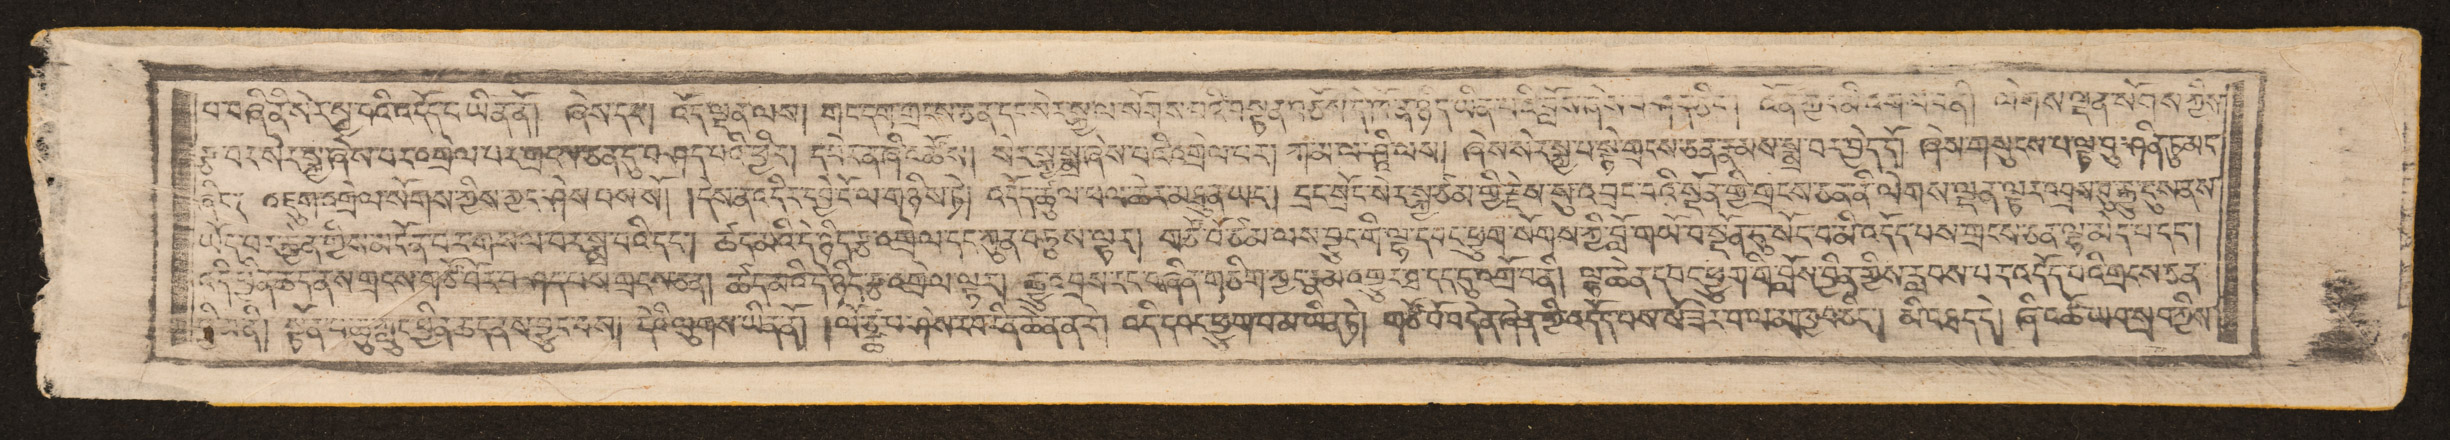པ་བཞི་ནི་སེར་སྐྱ་བའི་འདོད་པ་ཡིན་ནོ། ཞེས་དང་། འོད་ལྡན་ལས། གང་དག་གྲངས་ཅན་དང་སེར་སྐྱ་ལ་སོགས་པའི་བསྟན་བཙེས་དེ་ཁོ་ན་ཉིད་ཡིན་པའི་བློས་ཞེས་བཤད་ཅིང་། འོན་ཀྱང་མི་འགལ་བ་ནི། ལེགས་ལྡན་སོགས་ཀྱིས་
རྩ་བར་སེར་སྐྱ་ཞེས་པར་འགྲེལ་པར་གྲངས་ཅན་དུ་བཤད་པའི་ཕྱིར། དཔེར་ན་ཞི་འཚོས། སེར་སྐྱ་སྨྲ་ཞེས་པའི་འགྲེལ་བར། ཀ་མ་ལ་ཤཱི་ལས། ཞེས་སེར་སྐྱ་བསྟེ་གྲངས་ཅན་རྣམས་སྨྲ་བར་བྱེད་དོ། ཞེས་གསུངས་པ་ལྟ་བུ་ཤིན་ཏུ་མང་
ཞིང༑ འཇུག་འགྲེལ་སོགས་ཀྱིས་ཀྱང་ཤེས་པས་སོ། །དེས་ན་འདི་རང་བྱེ་ངོ་ལ་གཉིས་ཏེ། འདོད་ཚུལ་ཕལ་ཆེར་མཐུན་ཡང་། དྲང་སྲོང་སེར་སྐྱ་ཙམ་གྱི་རྗེས་སུ་འབྲང་བའི་སྔོན་གྱི་གྲངས་ཅན་ནི་ལེགས་ལྡན་ལྟར་འབྲས་བུ་རྒྱུ་དུས་ནས་
ཡོད་པར་རྐྱེན་གྱིས་མངོན་པར་གསལ་བར་སྨྲ་བའི་དང་། ཚད་མའི་དེ་ཉིད་རྩ་འགྲེལ་དང་ཀུན་བཏུས་ལྟར། གཙོ་བོ་ཙམ་ལས་བྱུང་གི་ལྷ་དབང་ཕྱུག་སོགས་ཀྱི་བློ་གཡོ་བ་སྔོན་དུ་སོང་བ་མི་འདོད་པས་གྲངས་ཅན་ལྷ་མེད་པ་དང་།
འདི་ཕྱིན་ཆད་ནས་གྲངས་གཙོ་བོར་བཤད་པས་གྲངས་ཅན། ཚད་མའི་དེ་ཉིད་རྩ་འགྲེལ་ལྟར། རྒྱུ་འབྲས་རང་བཞིན་གཅིག་ཀྱང་རྣམ་འགྱུར་ཐ་དད་དུ་འགྲོ་བ་ནི། ལྷ་ཆེན་དབང་ཕྱུག་གི་བློས་བྱིན་གྱིས་རླབས་པར་འདོད་པའི་གྲངས་ཅན་
ཕྱི་མ་ནི། སྟོན་པ་ཆུ་ཀླུང་ཕྱིན་ཆད་ནས་བྱུང་བས། དེའི་ལུགས་ཡིན་ནོ། །ལོ་ཙྪ་པ་ཤེས་རབ་རིན་ཆེན་ན་རེ། འདི་དབང་ཕྱུག་བ་མ་ཡིན་ཏེ། གཙོ་བོ་བདེན་ཞེན་གྱི་འདོད་བས་སོ་ཟེར་བ་ལ་མ་ཁྱབ་ཅིང་། མི་འཐད་དེ། ཞི་འཚོ་ཡབ་སྲབ་ཀྱིས་